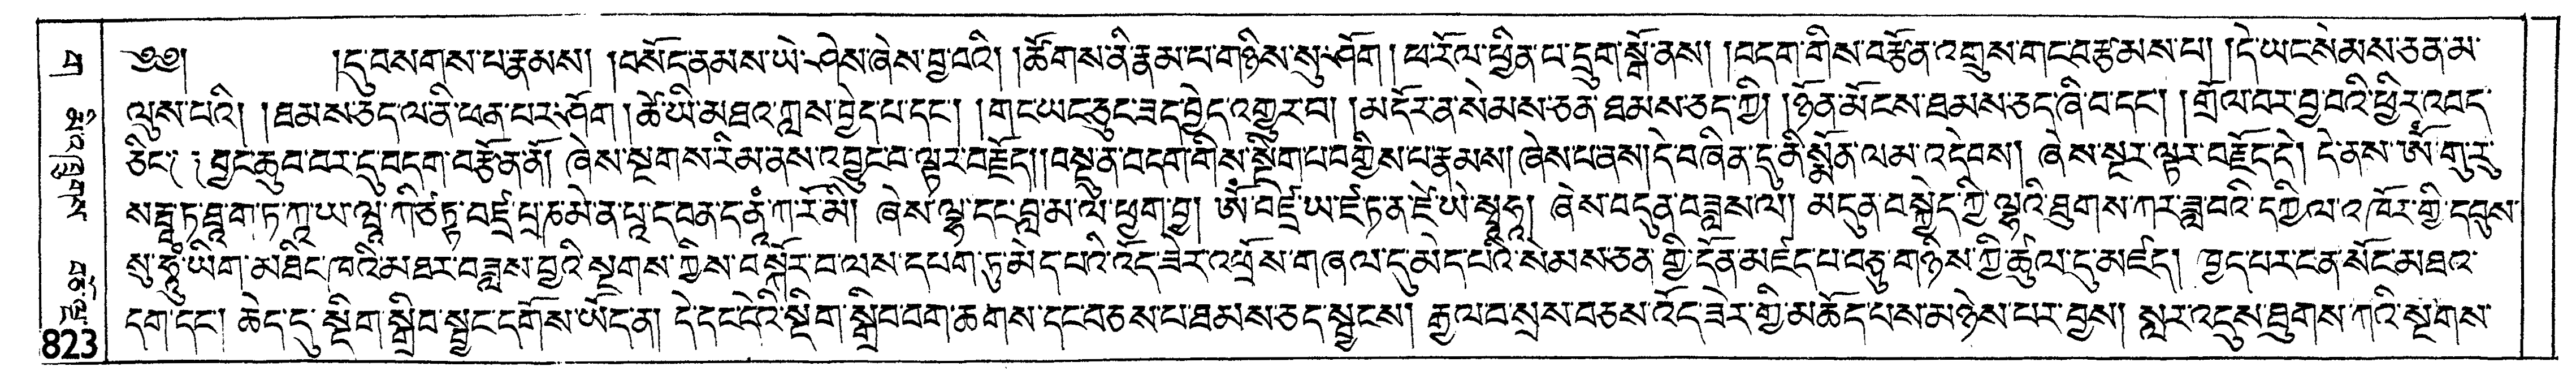༄༅། །དུ་བསགས་པ་རྣམས། །བསོད་ནམས་ཡེ་ཤེས་ཞེས་བྱ་བའི། །ཚོགས་ནི་རྣམ་པ་གཉིས་སུ་ཤོག །ཕ་རོལ་ཕྱིན་པ་དྲུག་སྒོ་ནས། །བདག་གིས་བརྩོན་འགྲུས་གང་བརྩམས་པ། །དེ་ཡང་སེམས་ཅན་མ་
ལུས་པའི། །ཐམས་ཅད་ལ་ནི་ཕན་པར་ཤོག །ཚེ་ཡི་མཐའ་ཀླས་བྱེད་པ་དང་། །གང་ཡང་ཅུང་ཟད་བྱེད་འགྱུར་བ། །མདོར་ན་སེམས་ཅན་ཐམས་ཅད་ཀྱི། །ཉོན་མོངས་ཐམས་ཅད་ཞི་བ་དང་། །གྲོལ་བར་བྱ་བའི་ཕྱིར་འབད་
ཅིང༑ ༑བྱང་ཆུབ་བར་དུ་བདག་བརྩོན་ནོ། །ཞེས་སྔགས་རིམ་ནས་འབྱུང་བ་ལྟར་བརྗོད། །བསྡུ་ན་བདག་གིས་སྡིག་པ་བགྱིས་པ་རྣམས། ཞེས་པ་ནས། དེ་བཞིན་དུ་ནི་སྨོན་ལམ་འདེབས། ཞེས་སྔར་ལྟར་བརྗོད་དེ། དེ་ནས་ཨོཾ་གུ་རུ་
སརྦྦ་ཏ་ཐཱ་ག་ཏ་ཀཱ་ཡ་ཝཱ་ཀི་ཙཏྟ་བཛྲ་པྲ་ཎ་མེ་ན་པཱ་ད་བན་ད་ནཱཾ་ཀ་རོ་མི། ཞེས་ལྷ་དང་བླ་མ་ལ་ཕྱག་བྱ། ཨོཾ་བཛྲ་ཡ་ཛ་ཏ་ན་ཛེ་ཡེ་སྭཱཧཱ། ཞེས་བདུན་བཟླས་ལ། མདུན་བསྐྱེད་ཀྱི་ལྷའི་ཐུགས་ཀར་ཟླ་བའི་དཀྱིལ་འཁོར་གྱི་དབུས་
སུ་ཧཱུཾ་ཡིག་མཐིང་ཁའི་མཐར་བཟླས་བྱའི་སྔགས་ཀྱིས་བསྐོར་བ་ལས་དཔག་ཏུ་མེད་པའི་འོད་ཟེར་འཕྲོས་གཞལ་དུ་མེད་པའི་སེམས་ཅན་གྱི་དོན་མཛད་པ་བཅུ་གཉིས་ཀྱི་ཚུལ་དུ་མཛད། ཁྱད་པར་ངན་སོང་མཐའ་
དག་དང་། ཆེད་དུ་སྡིག་སྒྲིབ་སྦྱང་དགོས་ཡོད་ན། དེ་དང་དེའི་སྡིག་སྒྲིབ་བག་ཆགས་དང་བཅས་པ་ཐམས་ཅད་སྦྱངས། རྒྱལ་བ་སྲས་བཅས་འོད་ཟེར་གྱི་མཆོད་པས་མཉེས་པར་བྱས། སླར་འདུས་ཐུགས་ཀའི་སྔགས་